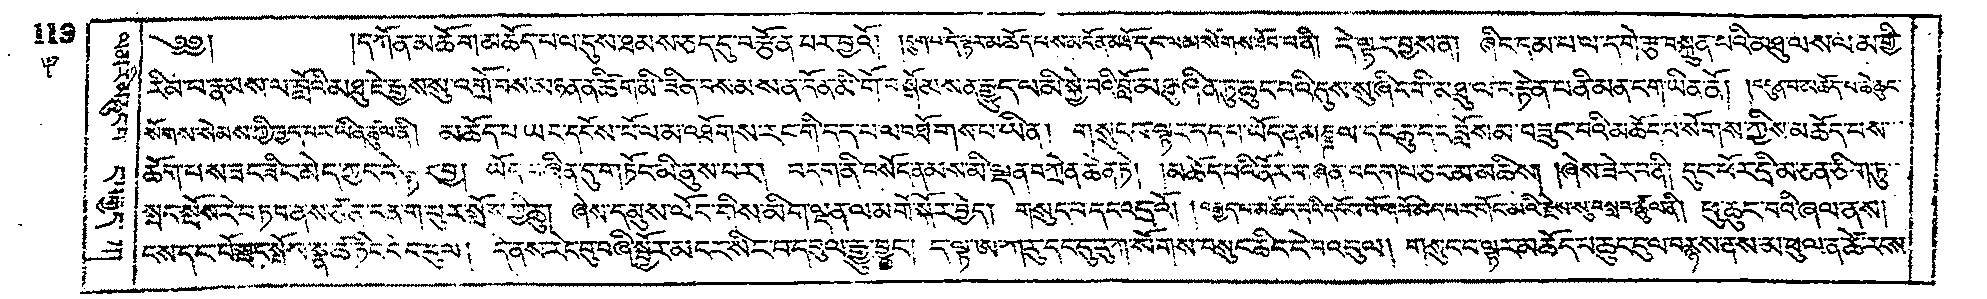༄༅། །དཀོན་མཆོག་མཆོད་པ་ལ་དུས་ཐམས་ཅད་དུ་བརྩོན་པར་བྱའོ། ། དྲུག་པ་དེ་ལྟར་མཆོད་པས་མངོན་མཐོ་དང་ལམ་སོགས་ཐོབ་པ་ནི།  དེ་ལྟར་བྱས་ན། ཞིང་དམ་པ་ལ་དགེ་རྩ་བསྐྲུན་པའི་མཐུ་ལས་ལམ་གྱི་
རིམ་པ་རྣམས་ལ་བློའི་མཐུ་ཇེ་རྒྱས་སུ་འགྲོ་བས་མཉན་ན་ཚིག་མི་ཟིན་བསམས་ན་དོན་མི་གོ་བསྒོམས་ན་རྒྱུད་ལ་མི་སྐྱེ་བའི་བློ་མཐུ་ཤིན་ཏུ་ཆུང་བའི་དུས་སུ་ཞིང་གི་མཐུ་ལ་བརྟེན་པ་ནི་མན་ངག་ཡིན་ནོ། །བདུན་པ་མཆོད་པ་ཆེ་ཆུང་
སོགས་སེམས་ཀྱི་ཁྱད་པར་ཡིན་ཚུལ་ནི། མཆོད་པ་ཡང་དངོས་པོ་ལ་མ་འཐོགས་རང་གི་དད་པ་ལ་འཐོགས་པ་ཡིན། གསུང་བ་ལྟར་དད་པ་ཡོད་ན་མཎྜལ་དང་ཆུ་དང་བློས་མ་བཟུང་བའི་མཆོད་པ་སོགས་ཀྱིས་མཆོད་པས་
ཆོག་པས་ཟང་ཟིང་མེད་ཀྱང་དེ་ལྟར་བྱ། ཡོད་བཞིན་དུ་གཏོང་མི་ནུས་པར། བདག་ནི་བསོད་ནམས་མི་ལྡན་བཀྲེན་ཆེན་ཏེ། །མཆོད་པའི་ནོར་གཞན་བདག་ལ་ཅང་མ་མཆིས། །ཞེས་ཟེར་བ་ནི། དུང་ཕོར་དྲི་མ་ཅན་ཅིག་ཏུ་
སྤང་སྤོས་རེ་བཏབ་ནས་ཙན་དན་ག་པུར་སྤོས་ཀྱི་ཆུ། ཞེས་དམུས་ལོང་གིས་མིག་ལྡན་ལ་མགོ་སྐོར་བྱེད། གསུང་བ་དང་འདྲའོ། །བརྒྱད་པ་མཆོད་པའི་དངོས་པོ་གཡོ་མེད་པར་གོང་མའི་རྗེས་སུ་བསླབ་ཚུལ་ནི། ཕུ་ཆུང་བའི་ཞལ་ནས།
ངས་དང་པོ་སྤང་སྤོས་སྣ་ཚ་ཏིང་ངེ་བ་ཕུལ། དེ་ནས་རེང་བུ་བཞི་སྦྱོར་མངར་སིང་བ་ད་བུལ་རྒྱུ་བྱུང་། ད་ལྟ་ཨ་ཀ་རུ་དང་དུ་རུ་ཀ་སོགས་བསུང་ཆིང་དེ་བ་འབུལ། གསུངས་བ་ལྟར་མཆོད་པ་ཆུང་དུ་ལ་བརྙས་ནས་མ་ཕུལ་ན་ཚེ་རྔས་